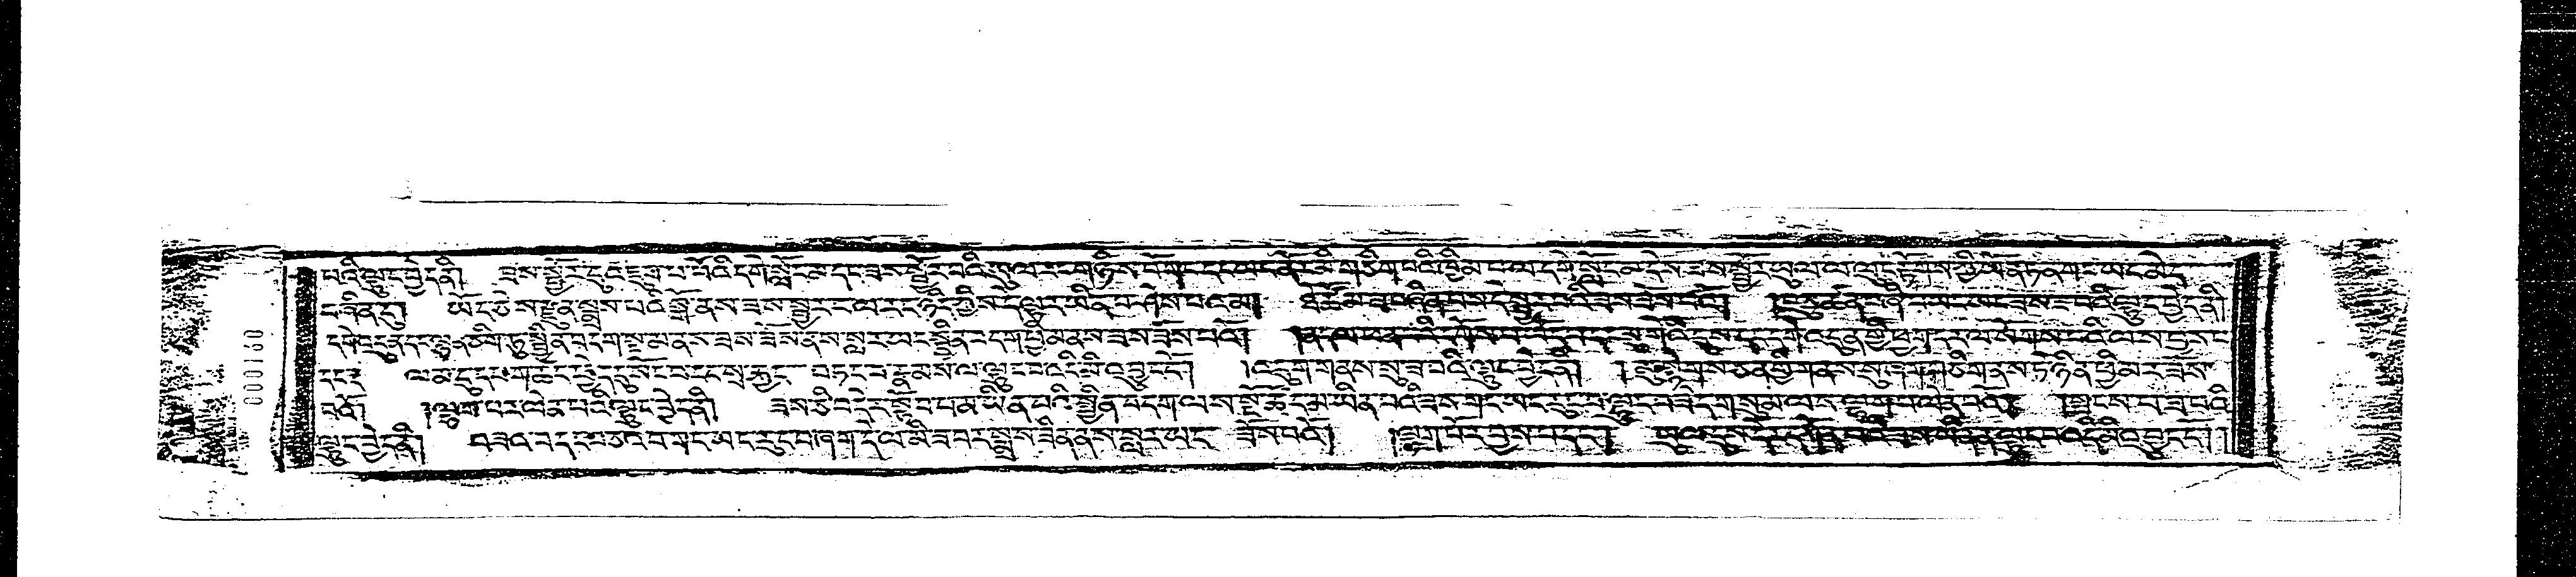པའི་ལྟུང་བྱེད་ནི། ཟས་སྦྱོར་དུ་འཇུག་པ་པོའི་དགེ་སློང་མ་དང་ཟས་སྦྱོར་བའི་ཡུལ་རང་གཉིས་པོ་གང་དང་ཡང་ནོར་མི་གཅིག་པའི་ཁྱིམ་པ་ལ་དགེ་སློང་མ་དེས་ཟས་སྦྱོར་ཡུལ་ལ་ལུང་རྟོགས་ཀྱི་ཡོན་ཏན་གང་ཡང་མེད་
བཞིན་དུ། ཡོད་ཅེས་རྫུན་སྨྲས་པའི་སྒོ་ནས་ཟས་སྦྱར་ང་ལ་རང་ཉིད་ཀྱིས་དེ་ལྟར་ཡིན་པ་ཤེས་པའམ། ཐེ་ཚོམ་ཟ་བཞིན་པས་དེ་སྦྱར་བའི་ཟས་ཟོས་པའོ། །བཅུ་ཚན་བཞི་པ་ཡང་ཡང་ཟས་ཟ་བའི་ལྟུང་བྱེད་ནི།
དགེ་འདུན་དང་ལྷན་ཅིག་ཏུ་སྦྱིན་བདག་སྔ་མ་ནས་ཟས་ཟོས་ནས་སླར་ཡང་སྦྱིན་བདག་ཕྱི་མ་ནས་ཟས་ཟོས་པའོ། །ནད་ལ་ཕན་པའི་དགོས་པ་ཡོད་པ་དང་མུ་གེའི་དུས་དང་དགེ་འདུན་གྱི་ཕྱག་དར་ལ་སོགས་པའི་ལས་བྱས་པ་
དང༑ ལམ་དུ་དཔག་ཚད་ཕྱེད་དུ་སོང་བ་དང་སྲ་རྐྱང་བཏང་བ་རྣམས་ལ་ལྟུང་བ་འདི་མི་འབྱུང་ངོ། །འདུག་གནས་སུ་ཟ་བའི་ལྟུང་བྱེད་ནི། །མུ་སྟེགས་ཅན་གྱི་གནས་སུ་ཞག་གཅིག་ནས་ཏེ་ཉིན་ཕྱི་མར་ཟོས་
བའོ། །ལྷག་པར་ལེན་པའི་ལྟུང་བྱེད་ནི། ཟས་ཅི་བདེར་སྟོབ་པ་མ་ཡིན་པའི་སྦྱིན་བདག་ལས་སྔོ་ཚོད་མ་ཡིན་པའི་ཟས་གང་ཡང་རུང་བ་ལྷུང་བཟེད་གསུམ་ལས་ལྷག་པ་ལེན་པའོ། །སྤངས་པ་ཟ་བའི་
ལྟུང་བྱེད་ནི། བཟའ་བ་དང་བཅའ་བ་གང་ཡང་རུང་བ་ཞག་དེ་ལ་མི་ཟ་བར་སྨྲས་ཟིན་ནས་སླར་ཡང་ཟོས་པའོ། །ལྷག་པོར་བྱས་པ་དང་། ཡུལ་དུས་དེར་དཀོན་པའི་ཟས་ཡིན་ན་ལྟུང་བ་འདི་མི་འབྱུང་ངོ། །